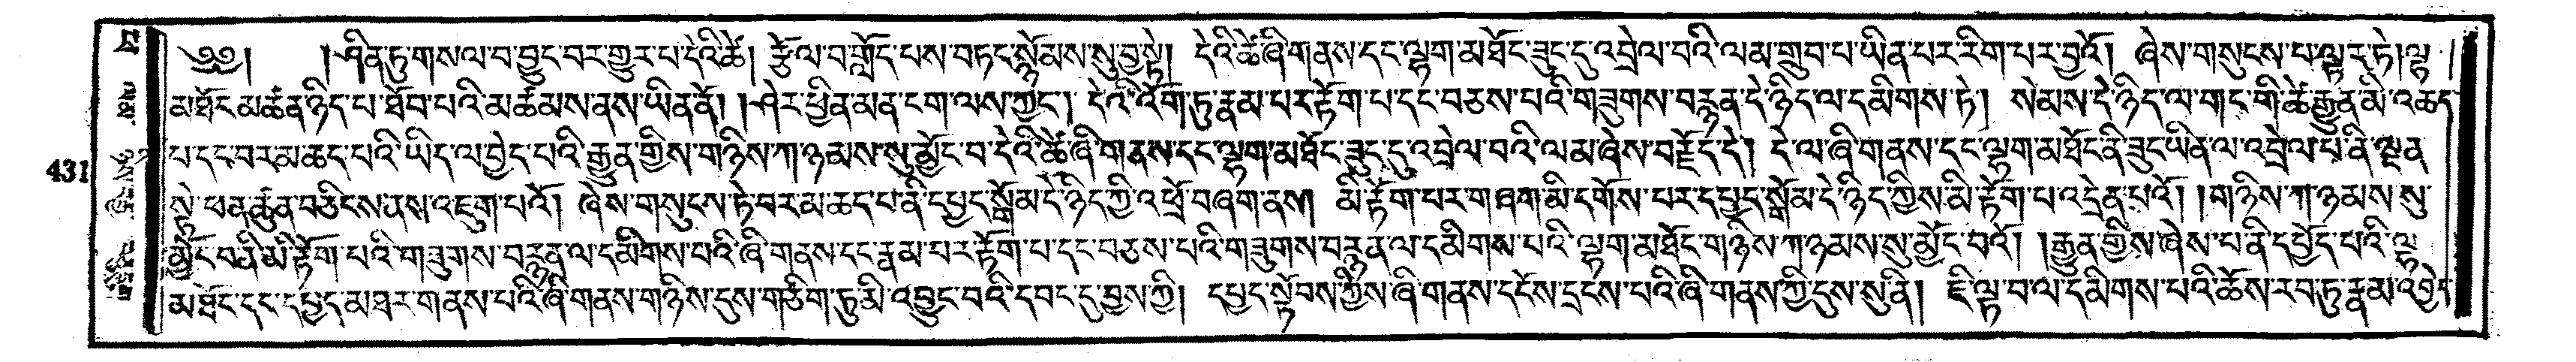༄༅། །ཤིན་ཏུ་གསལ་བ་བྱུང་བར་གྱུར་པ་དེའི་ཚེ། རྩོལ་བ་གློད་པས་བཏང་སྙོམས་སུ་བྱ་སྟེ། དེའི་ཚེ་ཞི་གནས་དང་ལྷག་མཐོང་ཟུང་དུ་འབྲེལ་བའི་ལམ་གྲུབ་པ་ཡིན་པར་རིག་པར་བྱའོ། ཞེས་གསུངས་པ་ལྟར་ཏེ། ལྷ་
མཐོང་མཚན་ཉིད་པ་ཐོབ་པའི་མཚམས་ནས་ཡིན་ནོ། །ཤེར་ཕྱིན་མན་ངག་ལས་ཀྱང་། དེའི་འོག་ཏུ་རྣམ་པར་རྟོག་པ་དང་བཅས་པའི་གཟུགས་བརྙན་དེ་ཉིད་ལ་དམིགས་ཏེ། སེམས་དེ་ཉིད་ལ་གང་གི་ཚེ་རྒྱུན་མི་འཆད་
པ་དང་བར་མ་ཆད་པའི་ཡིད་ལ་བྱེད་པའི་རྒྱུན་གྱིས་གཉིས་ཀ་ཉམས་སུ་མྱོང་བ་དེའི་ཚེ་ཞི་གནས་དང་ལྷག་མཐོང་ཟུང་དུ་འབྲེལ་བའི་ལམ་ཞེས་བརྗོད་དེ། དེ་ལ་ཞི་གནས་དང་ལྷག་མཐོང་ནི་ཟུང་ཡིན་ལ་འབྲེལ་པ་ནི་ལྡན་
སྟེ་ཕན་ཚུན་བཅིངས་ནས་འཇུག་པའོ། ཞེས་གསུངས་ཏེ་བར་མ་ཆད་པ་ནི་དཔྱད་སྒོམ་དེ་ཉིད་ཀྱི་འཕྲོ་བཞག་ནས། མི་རྟོག་པར་གཞག་མི་དགོས་པར་དཔྱད་སྒོམ་དེ་ཉིད་ཀྱིས་མི་རྟོག་པ་འདྲེན་པའོ། །གཉིས་ཀ་ཉམས་སུ་
མྱོང་བ་ནི་མི་རྟོག་པའི་གཟུགས་བརྙན་ལ་དམིགས་པའི་ཞི་གནས་དང་རྣམ་པར་རྟོག་པ་དང་བཅས་པའི་གཟུགས་བརྙན་ལ་དམིགས་པའི་ལྷག་མཐོང་གཉིས་ཀ་ཉམས་སུ་མྱོང་བའོ། །རྒྱུན་གྱིས་ཞེས་པ་ནི་དཔྱོད་པའི་ལྷ་
མཐོང་དང་དཔྱད་མཐར་གནས་པའི་ཞི་གནས་གཉིས་དུས་གཅིག་ཏུ་མི་འབྱུང་བའི་དབང་དུ་བྱས་ཀྱི། དཔྱད་སྟོབས་ཀྱིས་ཞི་གནས་དངོས་དྲངས་པའི་ཞི་གནས་ཀྱི་དུས་སུ་ནི། ཇི་ལྟ་བ་ལ་དམིགས་པའི་ཆོས་རབ་ཏུ་རྣམ་འབྱེད་